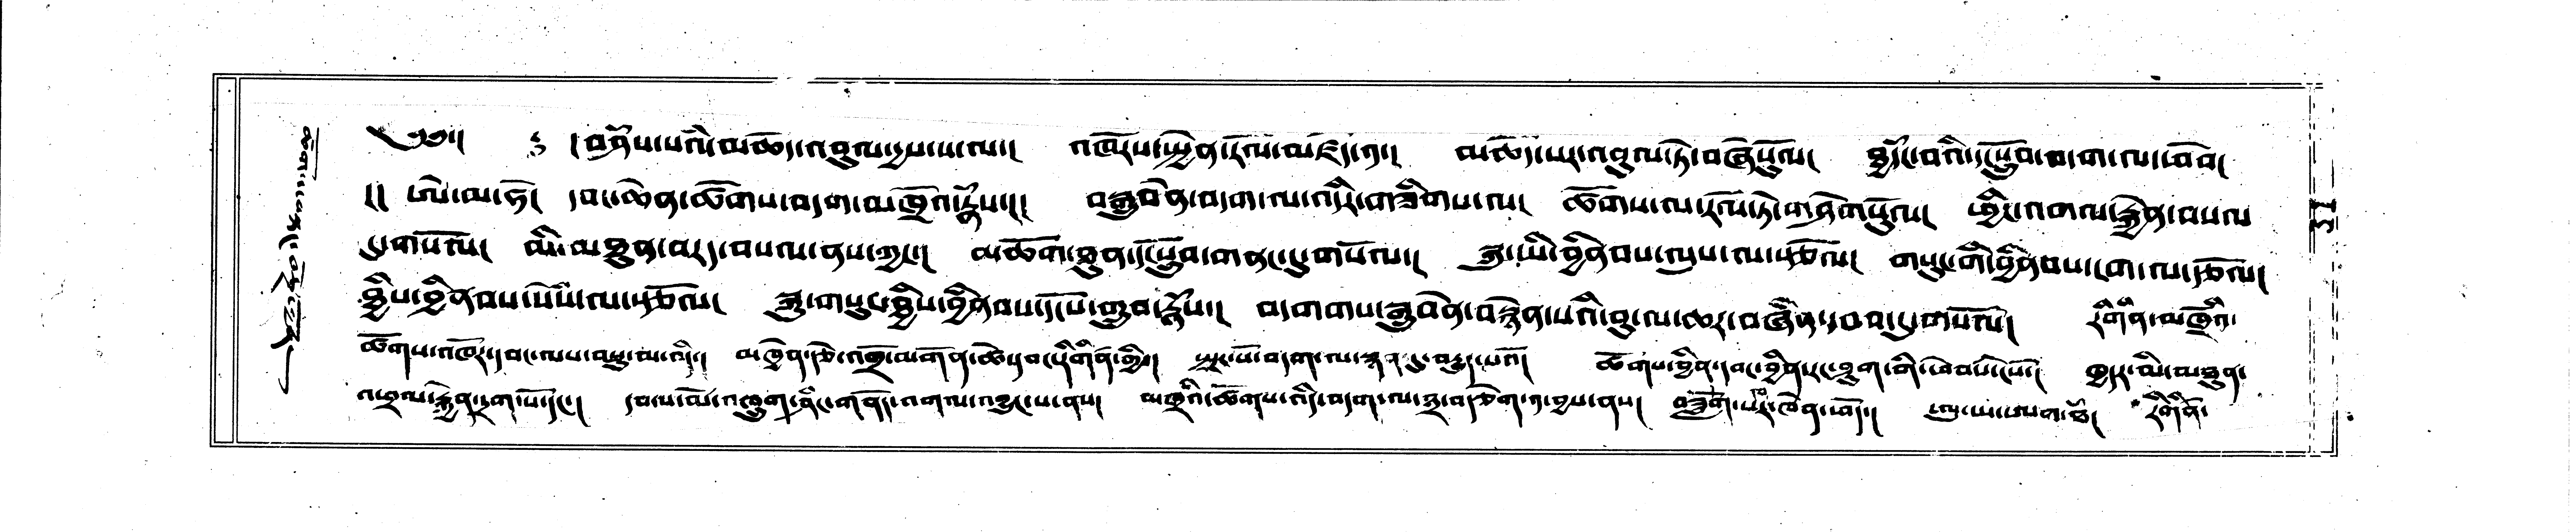བཤམས་པའི་མཆོད་འབུལ་རྒྱས་པ་ལ། འཁོར་བཅས་སྤྱན་འདྲེན་རོལ་མཛོད་ཅིག མཆོད་པར་འབུལ་ཏེ་བཞེས་སུ་གསོལ། ཐུགས་དམ་བསྐང་བའི་དངོས་གྲུབ་བདག་ལ་ཕོབ། 
།།ཨེ་མ་ཧོ། དབང་ཆེན་ཚོགས་བདག་མཁའ་འགྲོ་རྣམས། བསྒྲུབ་ཆེན་བདག་ལ་འདིར་གཟིགས་ལ། ཚོགས་ལ་རོལ་ཏེ་གཤེགས་སུ་གསོལ། ཕྱི་ནང་འགལ་རྐྱེན་བསལ་
དུ་གསོལ། མི་མཐུན་བར་ཆད་བསལ་ནས་ཀྱང་། མཆོག་ཐུན་དངོས་གྲུབ་གནང་དུ་གསོལ། སྐུ་ཡི་བྱིན་རླབས་ལུས་ལ་སྩོལ། གསུང་གི་བྱིན་རླབས་ངག་ལ་སྩོལ། 
ཐུགས་ཀྱི་བྱིན་རླབས་སེམས་ལ་སྩོལ། སྐུ་གསུང་ཐུགས་ཀྱི་བྱིན་རླབས་དངོས་གྲུབ་རྣམས། བདག་ཅག་སྒྲུབ་ཆེན་བསྙེན་པའི་བུ་ལ་ཆར་བཞིན་དབབ་ཏུ་གསོལ། རིག་འཛིན་མཁའ་འགྲོའི་
ཚོགས་འཁོར་དབང་ལས་བསྡུ་མ་འདི། མཁྱེན་རྩེ་འགྲོ་མགོན་ཚེ་དབང་རིག་འཛིན་གྱིས། སྤྲང་པོ་བདག་ལ་སྙན་དུ་བརྒྱུད་པའོ། །ཚོགས་བྱིན་དབང་བྱིན་རང་ཤུགས་ཀྱིས་ཕེབས་ངེས་སོ། ཁྱད་པར་མི་མཐུན་
འཕྲལ་རྐྱེན་དྲག་པོ་དང་། དབལ་མོ་འཁྲུག་ཤིང་གནོད་འགལ་འབྱུང་པ་ནས། མཁའ་འགྲོའི་ཚོགས་འདི་བདག་ལ་གསུམ་བརྩེག་གཅིག་བྱས་ནས། བཟློག་པར་ཁས་ལེན་ཕོད། ཨུ་ཡ་ཨག་ཐམ། རིག་འཛིན། ༼མཇུག་བྱང་ནས་ཆད་ཡོད་པ་འདྲ།༽